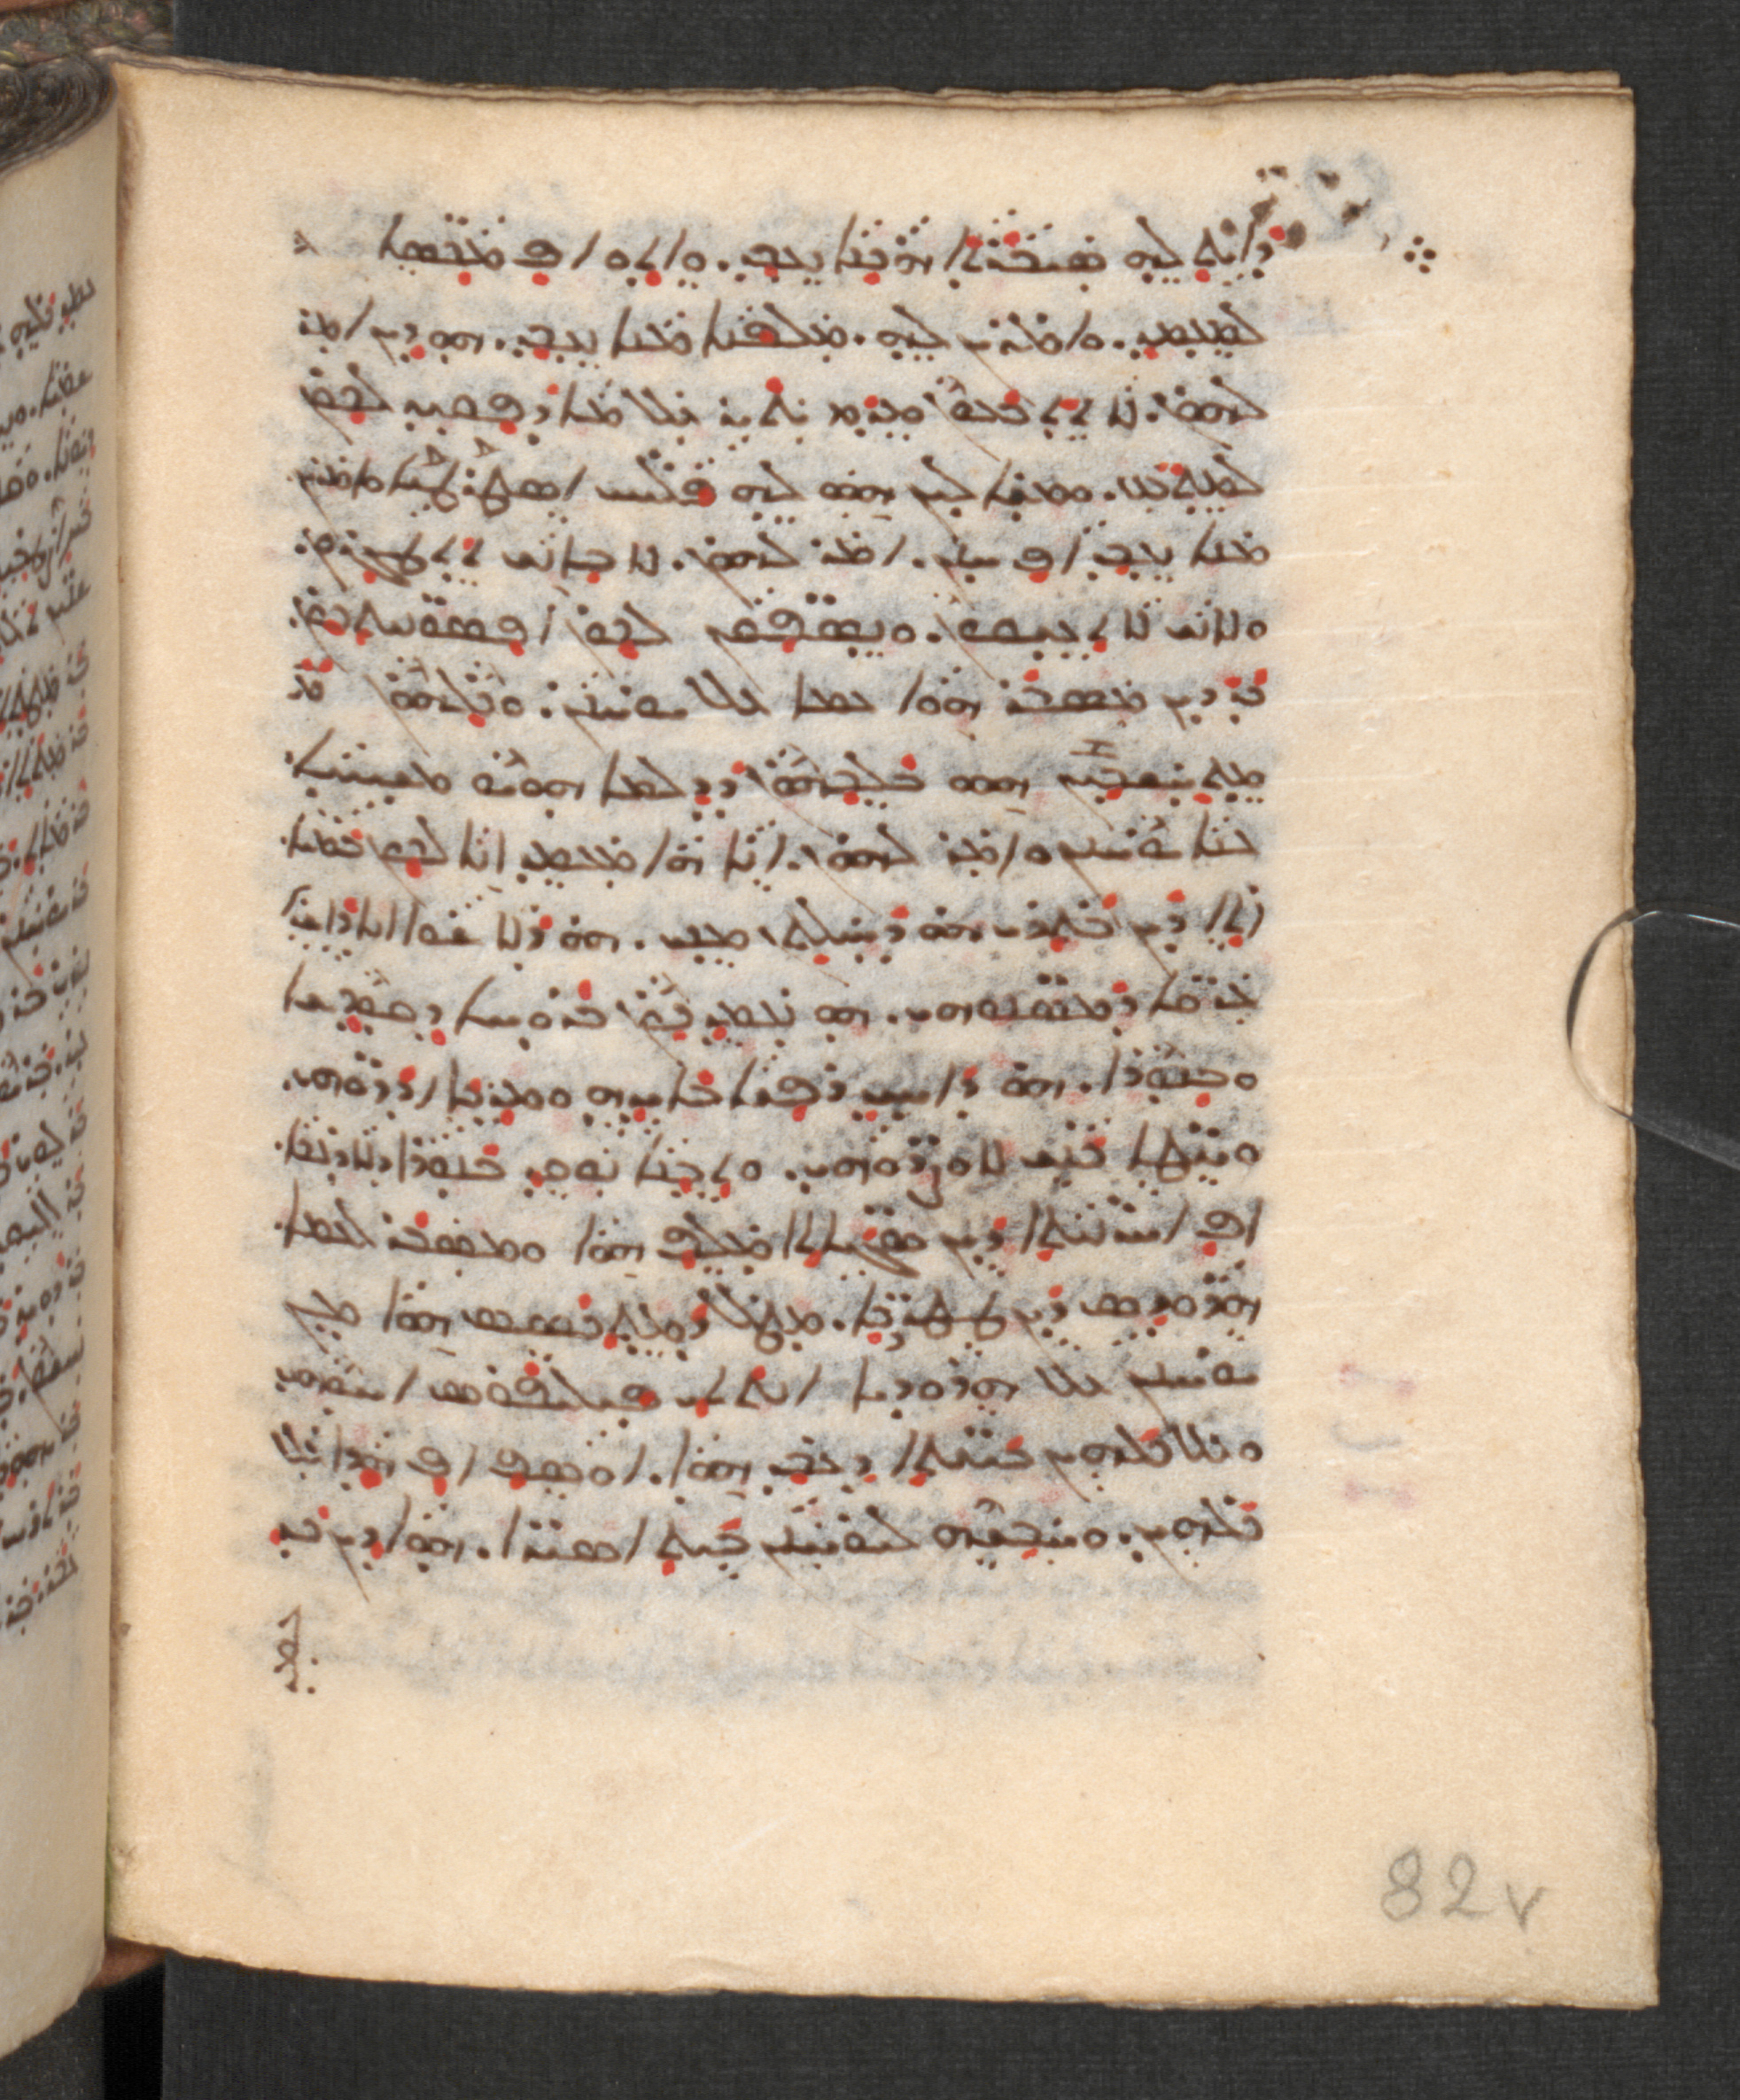ܕܐܝܬ ܠܗ ܣܝܒܪܬܐ ܗܟܢܐ ܢܥܒܕ. ܘܐܬ̣ܘ ܐܦ ܡܟ̈ܣܐ
ܠܡܥܡܕ. ܘܐܡܪܝܢ ܠܗ. ܡܠܦܢܐ ܡܢܐ ܢܥܒܕ܆ ܗ̣ܘ ܕܝܢ ܐܡ̣ܪ
ܠܗܘܢ. ܠܐ ܬܬܒܥܘܢ ܡܕܡ ܝܬܝܪ ܥܠ ܡܐ ܕܦܩܝܕ ܠܟܘܢ
ܠܡܬܒܥ. ܘܡܫܐܠܝܢ ܗܘܘ ܠܗ ܦܠ̈ܚܝ ܐܣܛܪܛܝܐ ܘܐܡܪܝܢ
ܡ̇ܢܐ ܢܥܒܕ ܐܦ ܚܢܢ. ܐܡ̇ܪ ܠܗܘܢ. ܠܐ ܒܐܢܫ ܬܬܛܓܪܘܢ.
ܘܠܐܢܫ ܠܐ ܬܥܫܩܘܢ. ܘܢܣ̈ܦܩܢ ܠܟܘܢ ܐܦܣܘ̈ܢܝܬܟܘܢ.
ܟܕ ܕܝܢ ܡܣܒܪ ܗܘܐ ܥܡܐ ܥܠ ܝܘܚܢܢ: ܘܟܠܗܘܢ ܏ܡ
ܡܬܚܫܒܝܢ ܗܘܘ ܒܠܒܗܘܢ ܕܕܠܡܐ ܗܘܝܘ ܡܫܝܚܐ܆
ܥܢܐ ܝܘܚܢܢ ܘܐܡ̣ܪ ܠܗܘܢ. ܐܢܐ ܗܐ ܡܥܡܕ ܐܢܐ ܠܟܘܢ ܒܡ̈ܝܐ.
ܐ̇ܬܐ ܕܝܢ ܒܬܪܝ ܗ̇ܘ ܕܚܝܠܬܢ ܡܢܝ. ܗ̇ܘ ܕܠܐ ܫ̇ܘܐ ܐܢܐ ܕܐܫܪܐ
ܥܪ̈ܩܐ ܕܡܣ̈ܢܘܗܝ. ܗ̣ܘ ܢܥܡܕܟܘܢ ܒܪܘܚܐ ܕܩܘܕܫܐ
ܘܒܢܘܪܐ. ܗ̇ܘ ܕܐܚܝܕ ܪܦܫܐ ܒܐܝܕܗ ܘܡܕܟܐ ܐܕܪ̈ܘܗܝ.
ܘܚ̈ܛܐ ܟܢܫ ܠܐܘܨܪ̈ܘܗܝ܆ ܘܬܒܢܐ ܢܘܩܕ ܒܢܘܪܐ ܕܠܐ ܕܥܟܐ.
ܐܦ ܐܚܪ̈ܢܝܬܐ ܕܝܢ ܣܓ̈ܝܐܬܐ ܡܠܦ ܗܘܐ ܘܡܣܒܪ ܠܥܡܐ.
ܗܪܘܕܣ ܕܝܢ ܛܛܪ̈ܟܐ. ܡܛܠ ܕܡܬܟܣܣ ܗܘܐ ܡ̣ܢ
ܝܘܚܢܢ ܥܠ ܗܪܘܕܝܐ ܐܢܬܬܝ ܦܝܠܝܦܘܣ ܐܚܘܗܝ.
ܘܥܠ ܟܠܗܝܢ ܒܝ̈ܫܬܐ ܕܥ̇ܒܕ ܗܘܐ. ܐܘܣܦ ܐܦ ܗܕܐ ܥܠ
ܟܠܗܝܢ܆ ܘܚܒܫܗ ܠܝܘܚܢܢ ܒܝܬ ܐܣܝܪ̈ܐ. ܗܘ̣ܐ ܕܝܢ ܟܕ
܀
ܥܡ̣ܕ
82v